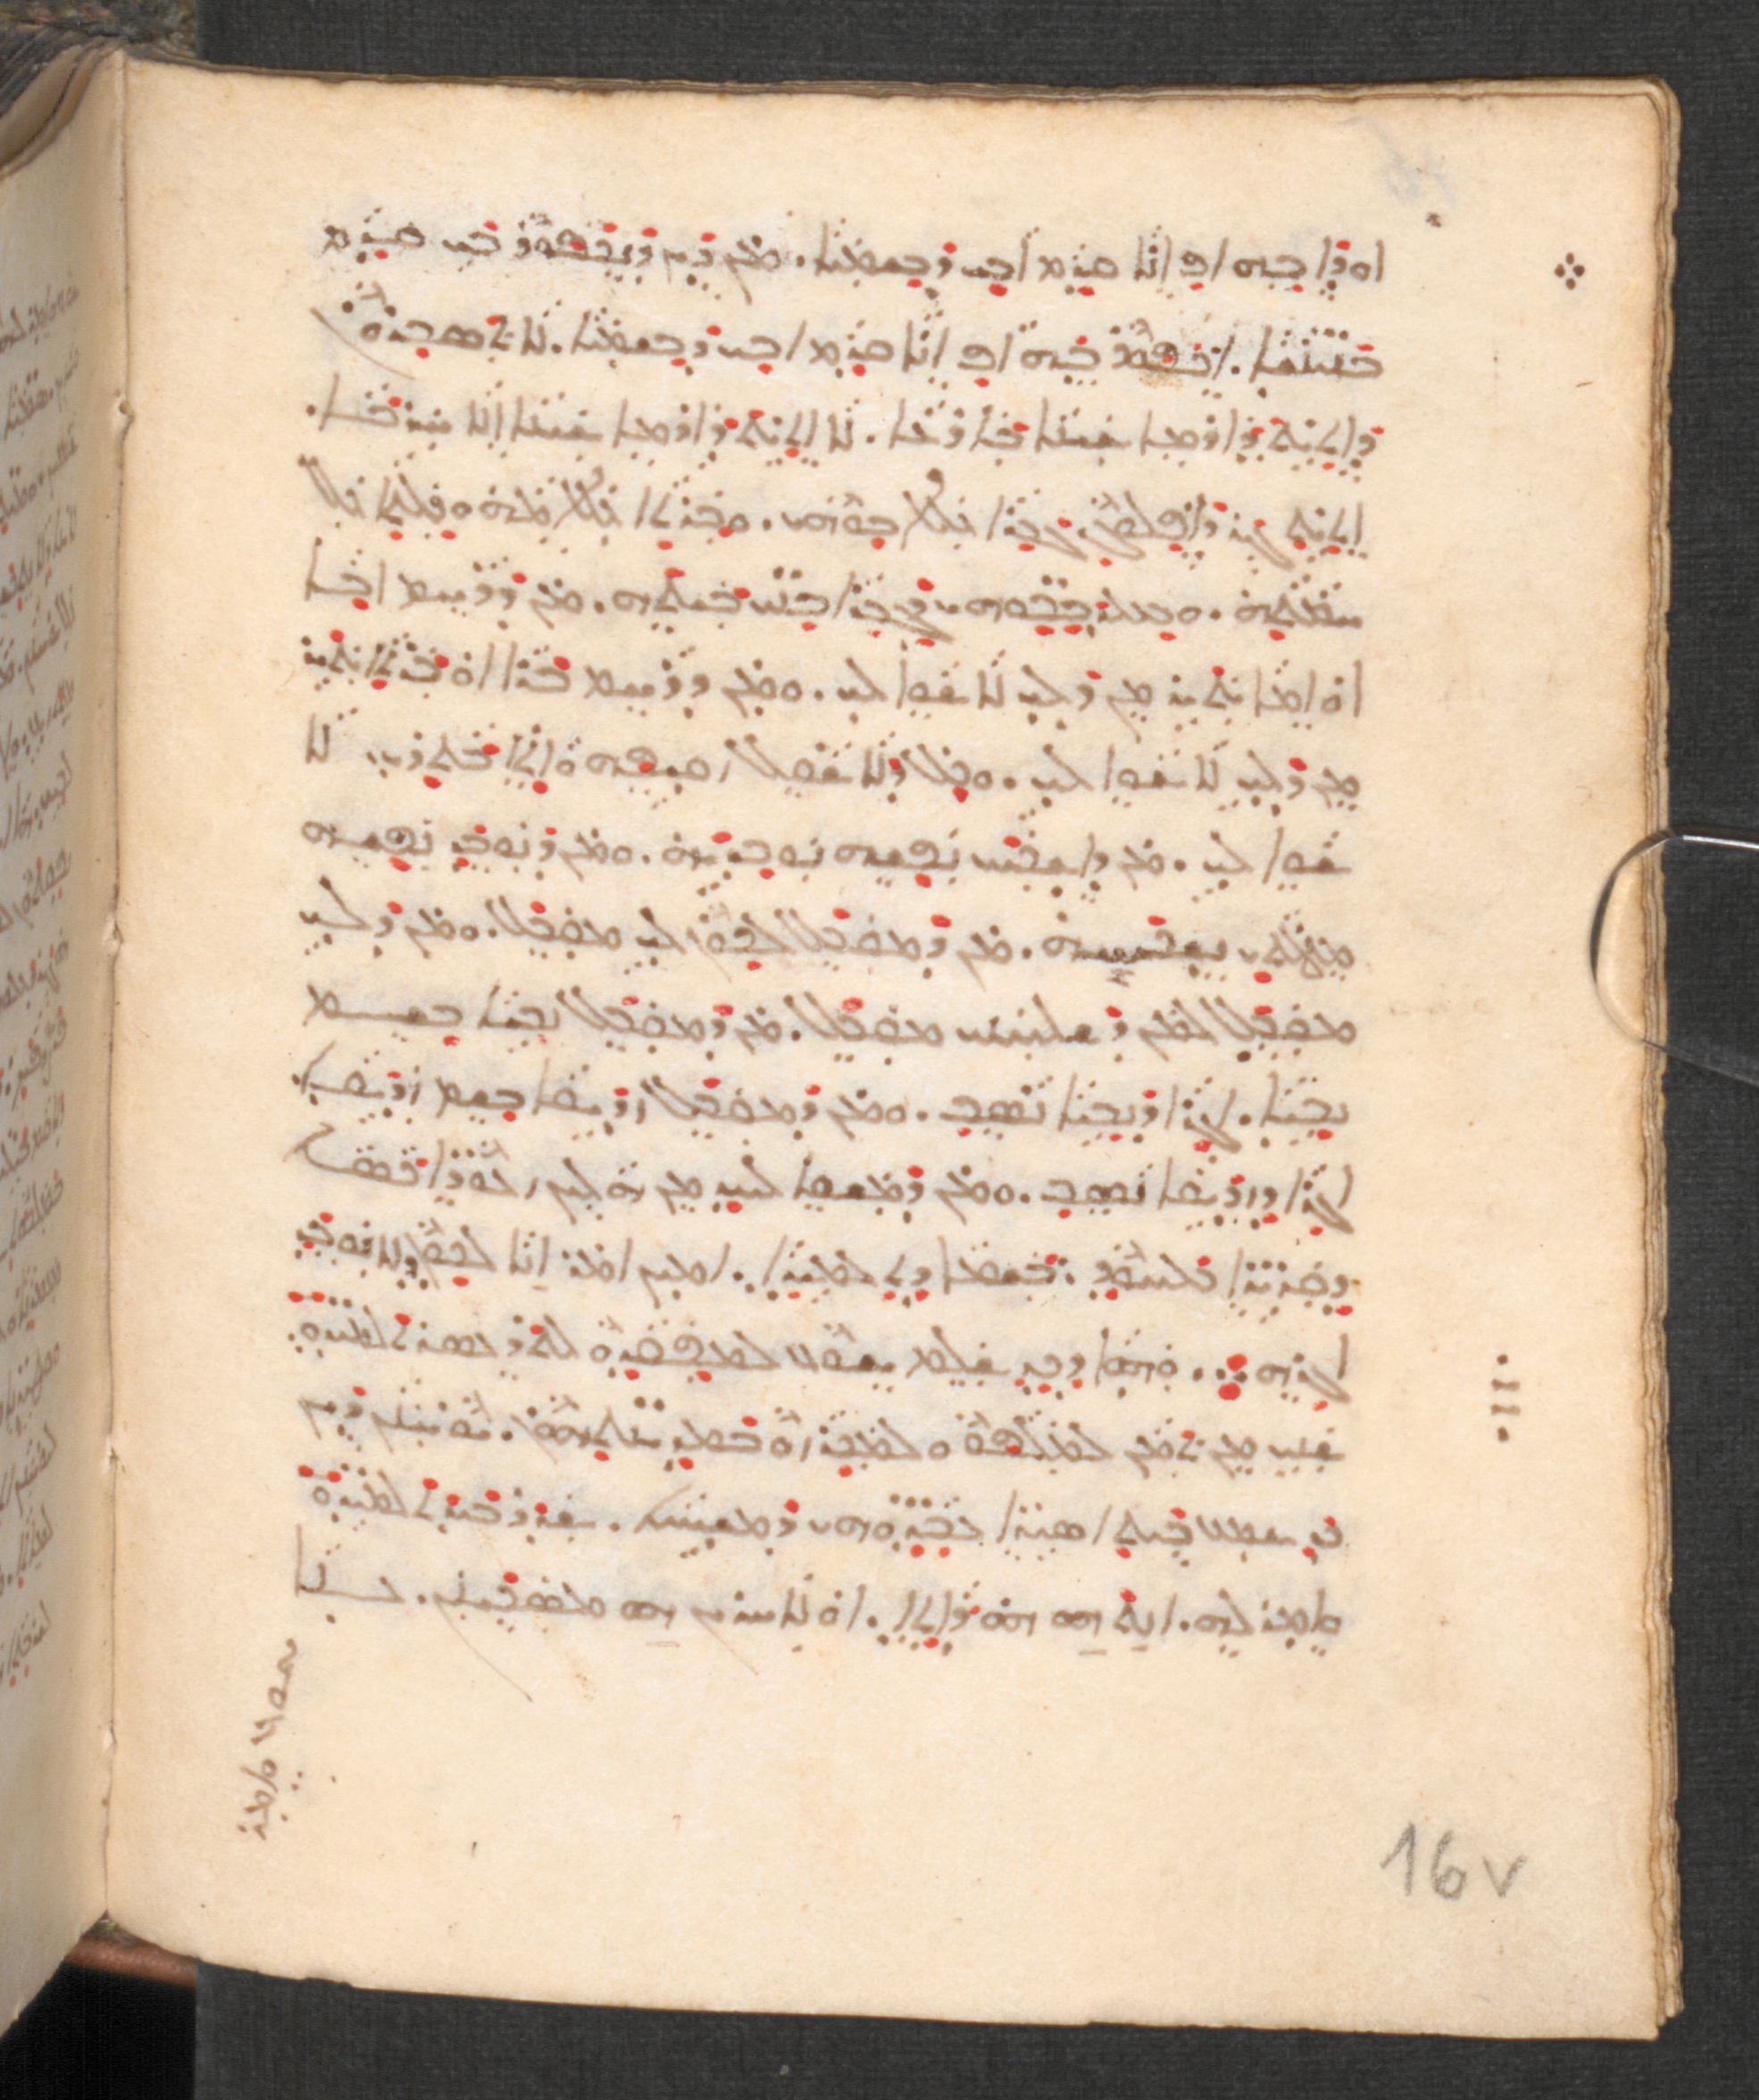ܐܘܕܐ ܒܗ ܐܦ ܐܢܐ ܩܕܡ ܐܒܝ ܕܒܫܡܝܐ. ܡ̇ܢ ܕܝܢ ܕܢܟܦܘܪ ܒܝ ܩܕܡ
ܒܢ̈ܝܢܫܐ. ܐܟܦܘܪ ܒܗ ܐܦ ܐܢܐ ܩܕܡ ܐܒܝ ܕܒܫܡܝܐ. ܠܐ ܬܣܒܪܘܢ
ܕܐܬܝܬ ܕܐܪܡܐ ܫܝܢܐ ܒܐܪܥܐ. ܠܐ ܐܬܝܬ ܕܐܪܡܐ ܫܝܢܐ ܐܠܐ ܚܪ̈ܒܐ.
ܐܬܝܬ ܓܝܪ ܕܐܦܠܘܓ ܓܒܪܐ ܥܠ ܐܒܘܗܝ. ܘܒܪܬܐ ܥܠ ܐܡܗ̇ ܘܟܠܬܐ ܥܠ
ܚܡܬܗ̇. ܘܒܥܠܕܒܒ̈ܘܗܝ ܕܓܒܪܐ ܒܢ̈ܝ ܒܝܬܗ. ܡ̇ܢ ܕܪܚܡ ܐܒܐ
ܐܘ ܐܡܐ ܝܬܝܪ ܡ̣ܢ ܕܠܝ ܠܐ ܫ̇ܘܐ ܠܝ̣. ܘܡ̇ܢ ܕܪܚܡ ܒܪܐ ܐܘ ܒܪܬܐ ܝܬܝܪ
ܡ̣ܢ ܕܠܝ ܠܐ ܫܘܐ ܠܝ. ܘܟܠ ܕܠܐ ܫ̇ܩܠ ܙܩܝܦܗ ܘܐܬ̇ܐ ܒܬܪܝ܆ ܠܐ
ܫ̇ܘܐ ܠܝ. ܡ̇ܢ ܕܐܫܟܚ ܢܦܫܗ ܢܘܒܕܝܗ. ܘܡ̇ܢ ܕܢܘܒܕ ܢܦܫܗ
ܡܛܠܬܝ ܢܫܟܝܚܗ̇. ܡ̇ܢ ܕܡܩܒܠ ܠܟܘܢ ܠܝ ܡܩܒܠ. ܘܡ̇ܢ ܕܠܝ
ܡܩܒܠ ܠܡ̇ܢ ܕܫܠܚܢܝ ܡܩܒܠ. ܡ̇ܢ ܕܡܩܒܠ ܢܒܝܐ ܒܫܡ
ܢܒܝܐ. ܐܓܪܐ ܕܢܒܝܐ ܢ̇ܣܒ. ܘܡ̇ܢ ܕܡܩܒܠ ܙܕܝܩܐ ܒܫܡ ܙܕܝܩܐ܆
ܐܓܪܐ ܕܙܕܝܩܐ ܢܣܒ. ܘܡ̇ܢ ܕܡܫܩܐ ܠܚܕ ܡ̣ܢ ܗܠܝܢ ܙܥܘܪ̈ܐ ܟܣܐ
ܕܩܪ̈ܝܪܐ ܒܠܚܘܕ܆ ܒܫܡܐ ܕܬܠܡܝܕܐ܆ ܐܡܝܢ ܐܡ̇ܪ ܐܢܐ ܠܟܘܢ ܕܠܐ ܢܘܒܕ
ܐܓܪܗ܀ . ܘܗܘܐ ܕܟܕ ܫܠܡ ܝܫܘܥ ܠܡܦܩܕܘ ܠܬܪܥܣܪ ܬ܏ܠܡܝܕܘ
ܫܢܝ ܡ̣ܢ ܬܡܢ ܠܡܠܦܘ ܘܠܡܟܪܙ ܘܒܡܕ ܝܢ̈ܬܗܘܢ. ܝܘܚܢܢ ܕܝܢ
ܟܕ ܫܡܥ ܒܝܬ ܐܣܝܪ̈ܐ ܥܒܕܘ̈ܗܝ ܕܡܫܝܚܐ. ܫܕܪ ܒܝܕ ܏ܬܠܡܝܕܘ
ܘܐܡ̣ܪ ܠܗ. ܐܢܬ ܗܘ ܗ̇ܘ ܕܐܬ̣ܐ: ܐܘ ܠܐܚܪܝܢ ܗܘ ܡܣܟܝܢܢ. ܥܢܐ
܀
11
ܝܫܘܥ ܘܐܡܪ
16v